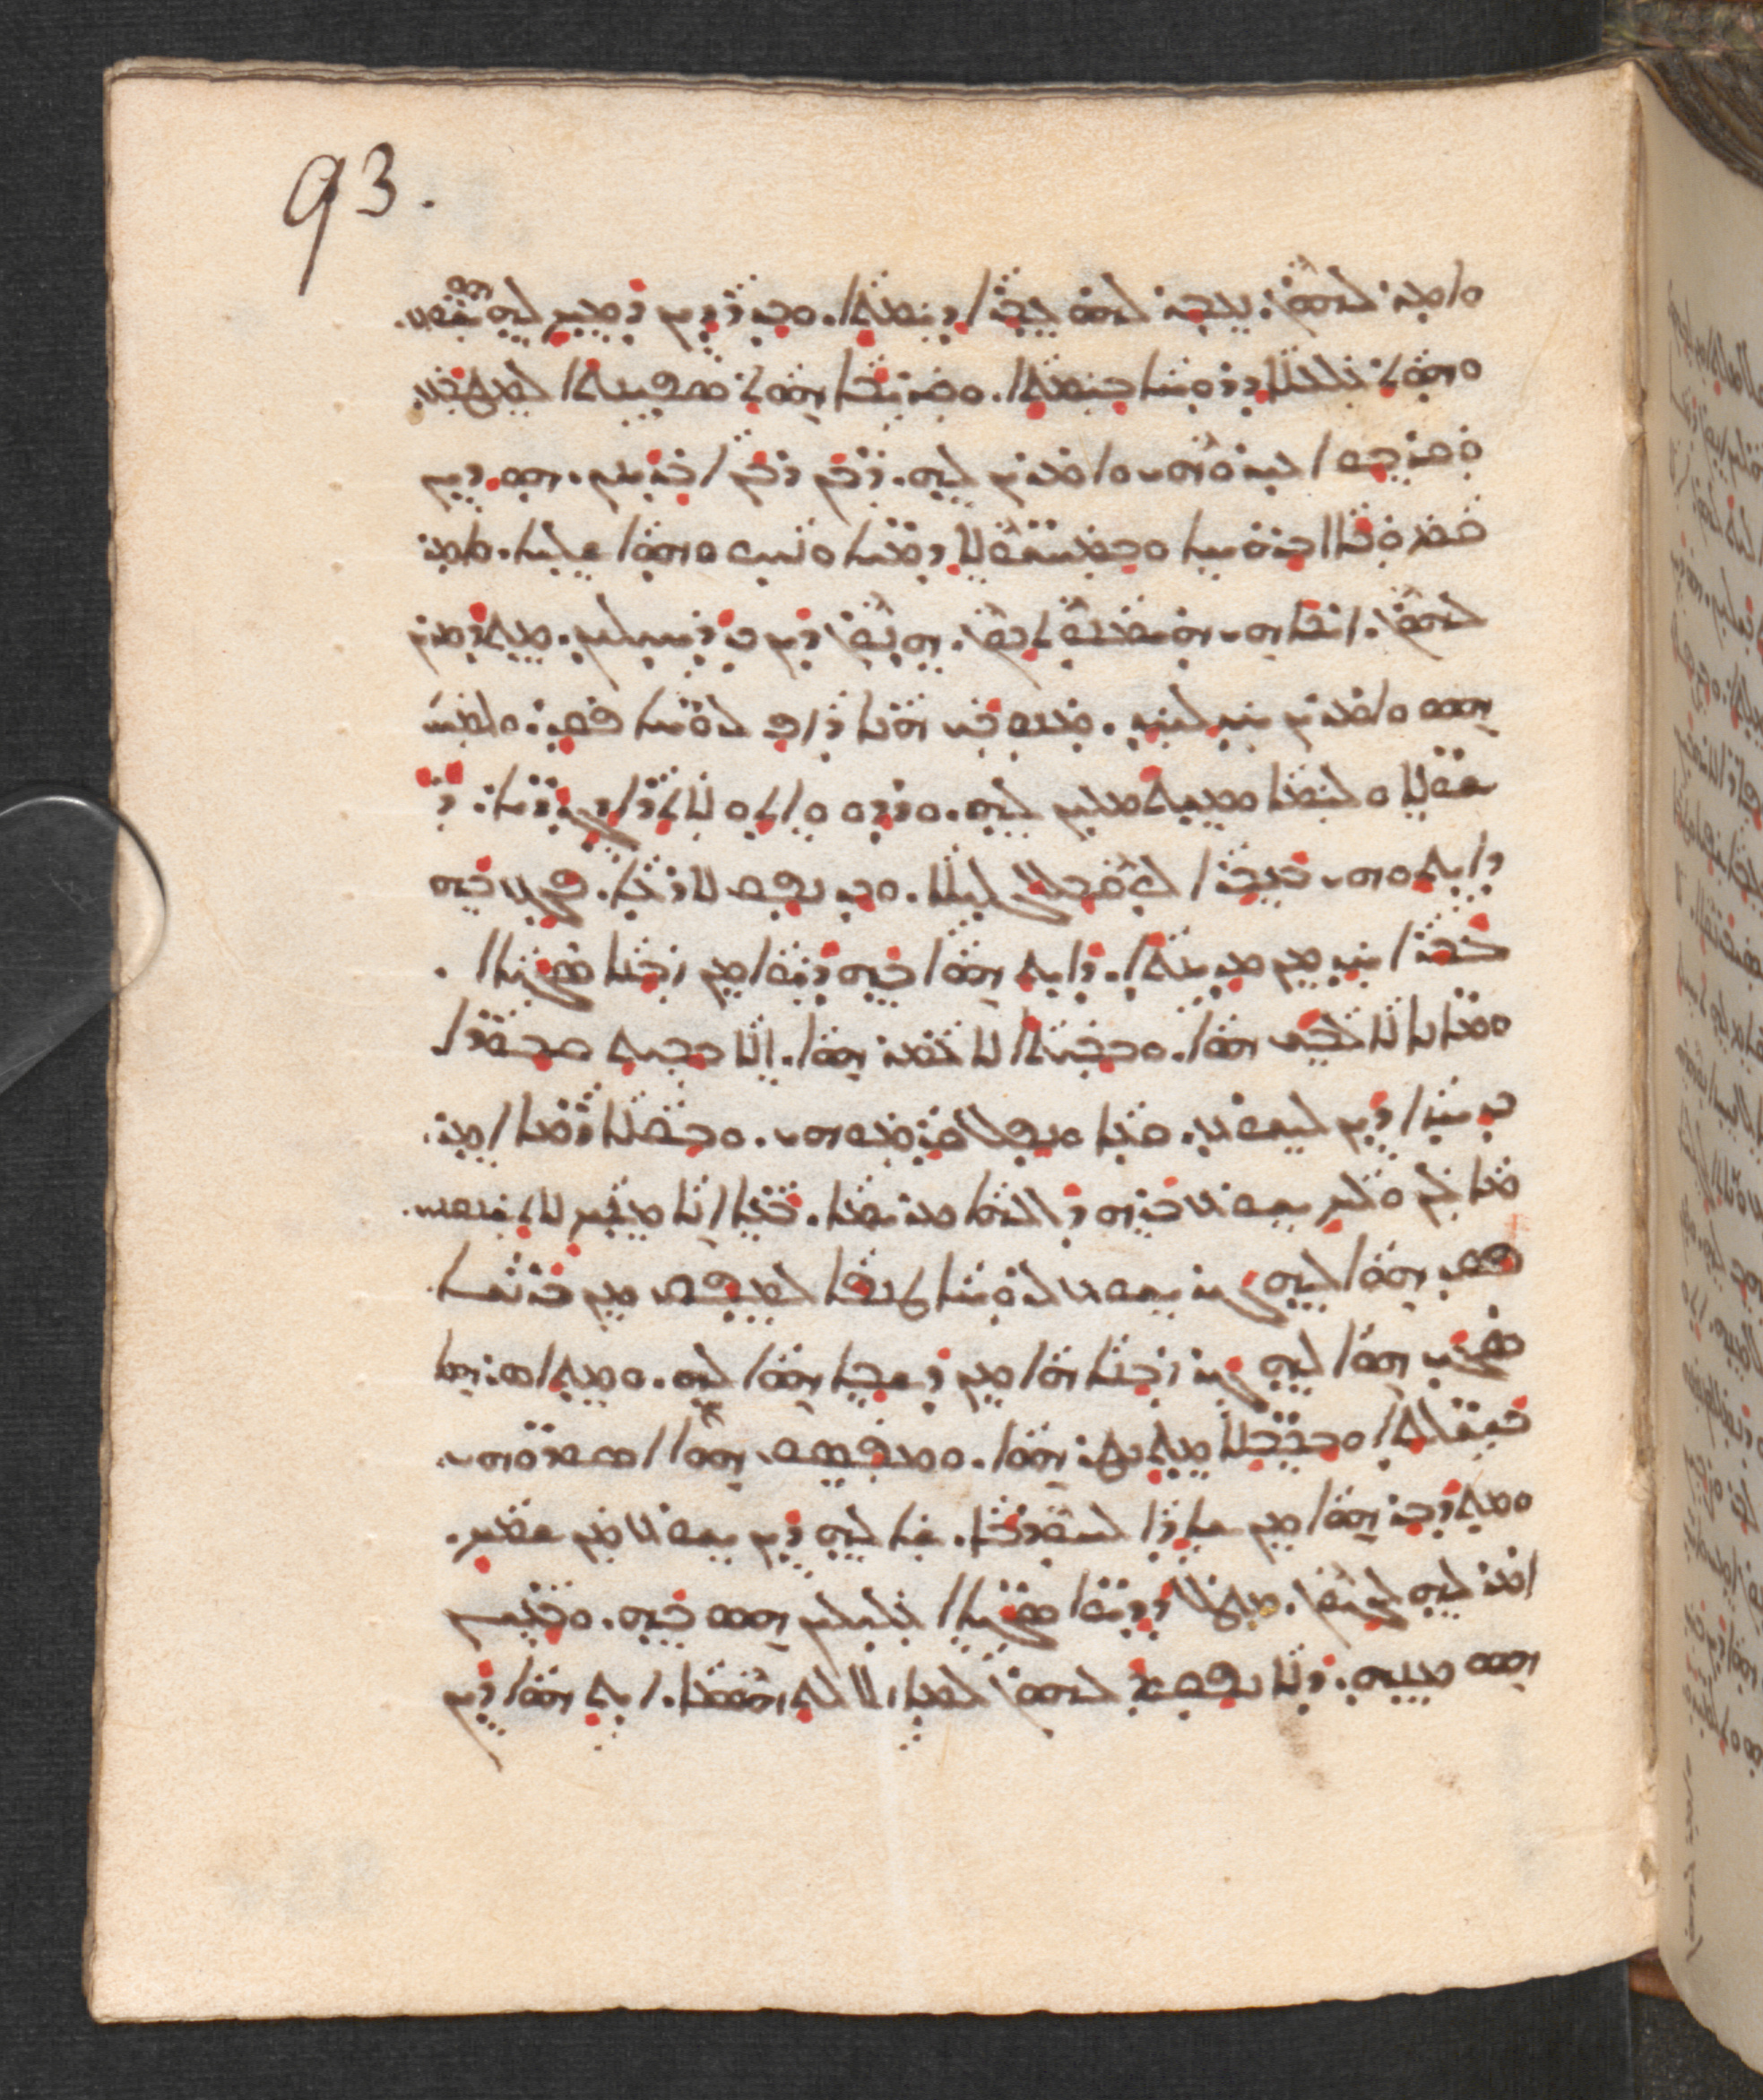ܘܐܡ̣ܪ ܠܗܘܢ. ܢܥܒ̣ܪ ܠܗ̇ܘ ܥ̣ܒܪܐ ܕܝܡܬܐ. ܘܟܕ ܪܕܝܢ ܕܡ̣ܟ ܠܗ ܗ̣ܘ ܝܫܘܥ.
ܘܗ̣ܘܬ ܥܠܥܠܐ ܕܪܘܚܐ ܒܝܡܬܐ. ܘܩܪܝܒܐ ܗܘܬ ܣܦܝܢܬܐ ܠܡܛܒܥ.
ܘܩܪܒܘ ܐܥܝܪܘܗܝ ܘܐܡ̇ܪܝܢ ܠܗ. ܪܒܢ ܪܒܢ ܐܒ̇ܕܝܢܢ ܗ̣ܘ ܕܝܢ
ܩܡ ܘܟܐܐ ܒܪ̈ܘܚܐ ܘܒܡܚ̈ܫܘܠܐ ܕܡ̈ܝܐ ܘܢܚ̣ܘ ܘܗܘ̣ܐ ܫܠܝܐ. ܘܐܡ̣ܪ
ܠܗܘܢ. ܐܝܟܐ ܗܝ ܗܝܡܢܘܬܟܘܢ. ܗ̣ܢܘܢ ܕܝܢ ܟܕ ܕܚܝ̣ܠܝܢ܆ ܡܬܕܡܪܝܢ
ܗܘܘ ܘܐܡ̇ܪܝܢ ܚܕ ܠܚܕ. ܡܢܘ ܟܝ ܗܢܐ ܕܐܦ ܠܪ̈ܘܚܐ ܦ̇ܩܕ܇ ܘܠܡܚ
ܫ̈ܘ̈ܠܐ ܘܠܝܡܐ ܘܡܫ̣ܬܡܥܝܢ ܠܗ. ܘܪܕܘ ܘܐܬ̣ܘ ܠܐܬܪܐ ܕܓܕܪ̈ܝܐ܇ ܏ܕ
ܕܐܝ̣ܬܘܗܝ ܒܥܒܪܐ ܠܘܩܒܠ ܓܠܝܠܐ. ܘܟܕ ܢܦ̣ܩ ܠܐܪܥܐ܆ ܦܓ̣ܥ ܒܗ
ܓܒܪܐ ܚܕ ܡ̣ܢ ܡܕܝܢܬܐ܆ ܕܐܝ̣ܬ ܗܘܐ ܒܗ ܕܝܘܐ ܡ̣ܢ ܙܒܢܐ ܣܓܝܐܐ.
ܘܡ̈ܐܢܐ ܠܐ ܠܒ̣ܫ ܗܘܐ. ܘܒܒܝܬܐ ܠܐ ܥܡ̇ܪ ܗܘܐ. ܐܠܐ ܒܒܝܬ ܩܒܘܪ̈ܐ
ܟܕ ܚܙ̣ܐ ܕܝܢ ܠܝܫܘܥ܆ ܩܥ̣ܐ ܘܢܦ̣ܠ ܩܕܡܘܗܝ. ܘܒܩܠܐ ܪܡܐ ܐܡ̣ܪ.
ܡܐ ܠܢ ܘܠܟ ܝܫܘܥ ܒܪܗ ܕܐܠܗܐ ܡܪܝܡܐ. ܒ̇ܥܐ ܐܢܐ ܡܢܟ ܠܐ ܬܫܢܩܢܝ.
ܦܩܕ ܗܘܐ ܠܗ ܓܝܪ ܝܫܘܥ ܠܪܘܚܐ ܛܢܦܐ ܠܡܦܩ ܡ̣ܢ ܒܪܢܫܐ.
ܣܓܝ ܗܘܐ ܠܗ ܓܝܪ ܙܒܢܐ ܗ̇ܐ ܡ̣ܢ ܕܫܒܐ ܗܘ̇ܐ ܠܗ. ܘܡܬܐܣܪ ܗܘܐ
ܒܫܫ̈ܠܬܐ ܘܒܟ̈ܒܠܐ ܡܬ̣ܢܛܪ ܗܘ̇ܐ. ܘܡܦܣܩ ܗܘܐ ܐܣܘܪ̈ܘܗܝ.
ܘܡܬܕܒܪ ܗܘܐ ܡ̣ܢ ܫܐܕܐ ܠܚܘܪܒܐ. ܫܐܠܗ ܕܝܢ ܝܫܘܥ ܡ̇ܢ ܫܡܟ.
ܐܡ̇ܪ ܠܗ ܠܓܝܘܢ. ܡܛܠ ܕܕܝ̈ܘܐ ܣܓܝ̈ܐܐ ܥܠܝܠܝܢ ܗܘܘ ܒܗ. ܘܒ̇ܥܝܢ
ܗ̣ܘܘ ܡܢܗ܆ ܕܠܐ ܢܦܩ̣ܘܕ ܠܗܘܢ ܠܡܐܙܠ ܠܬܗܘܡܐ. ܐܝ̣ܬ ܗܘܐ ܕܝܢ
93